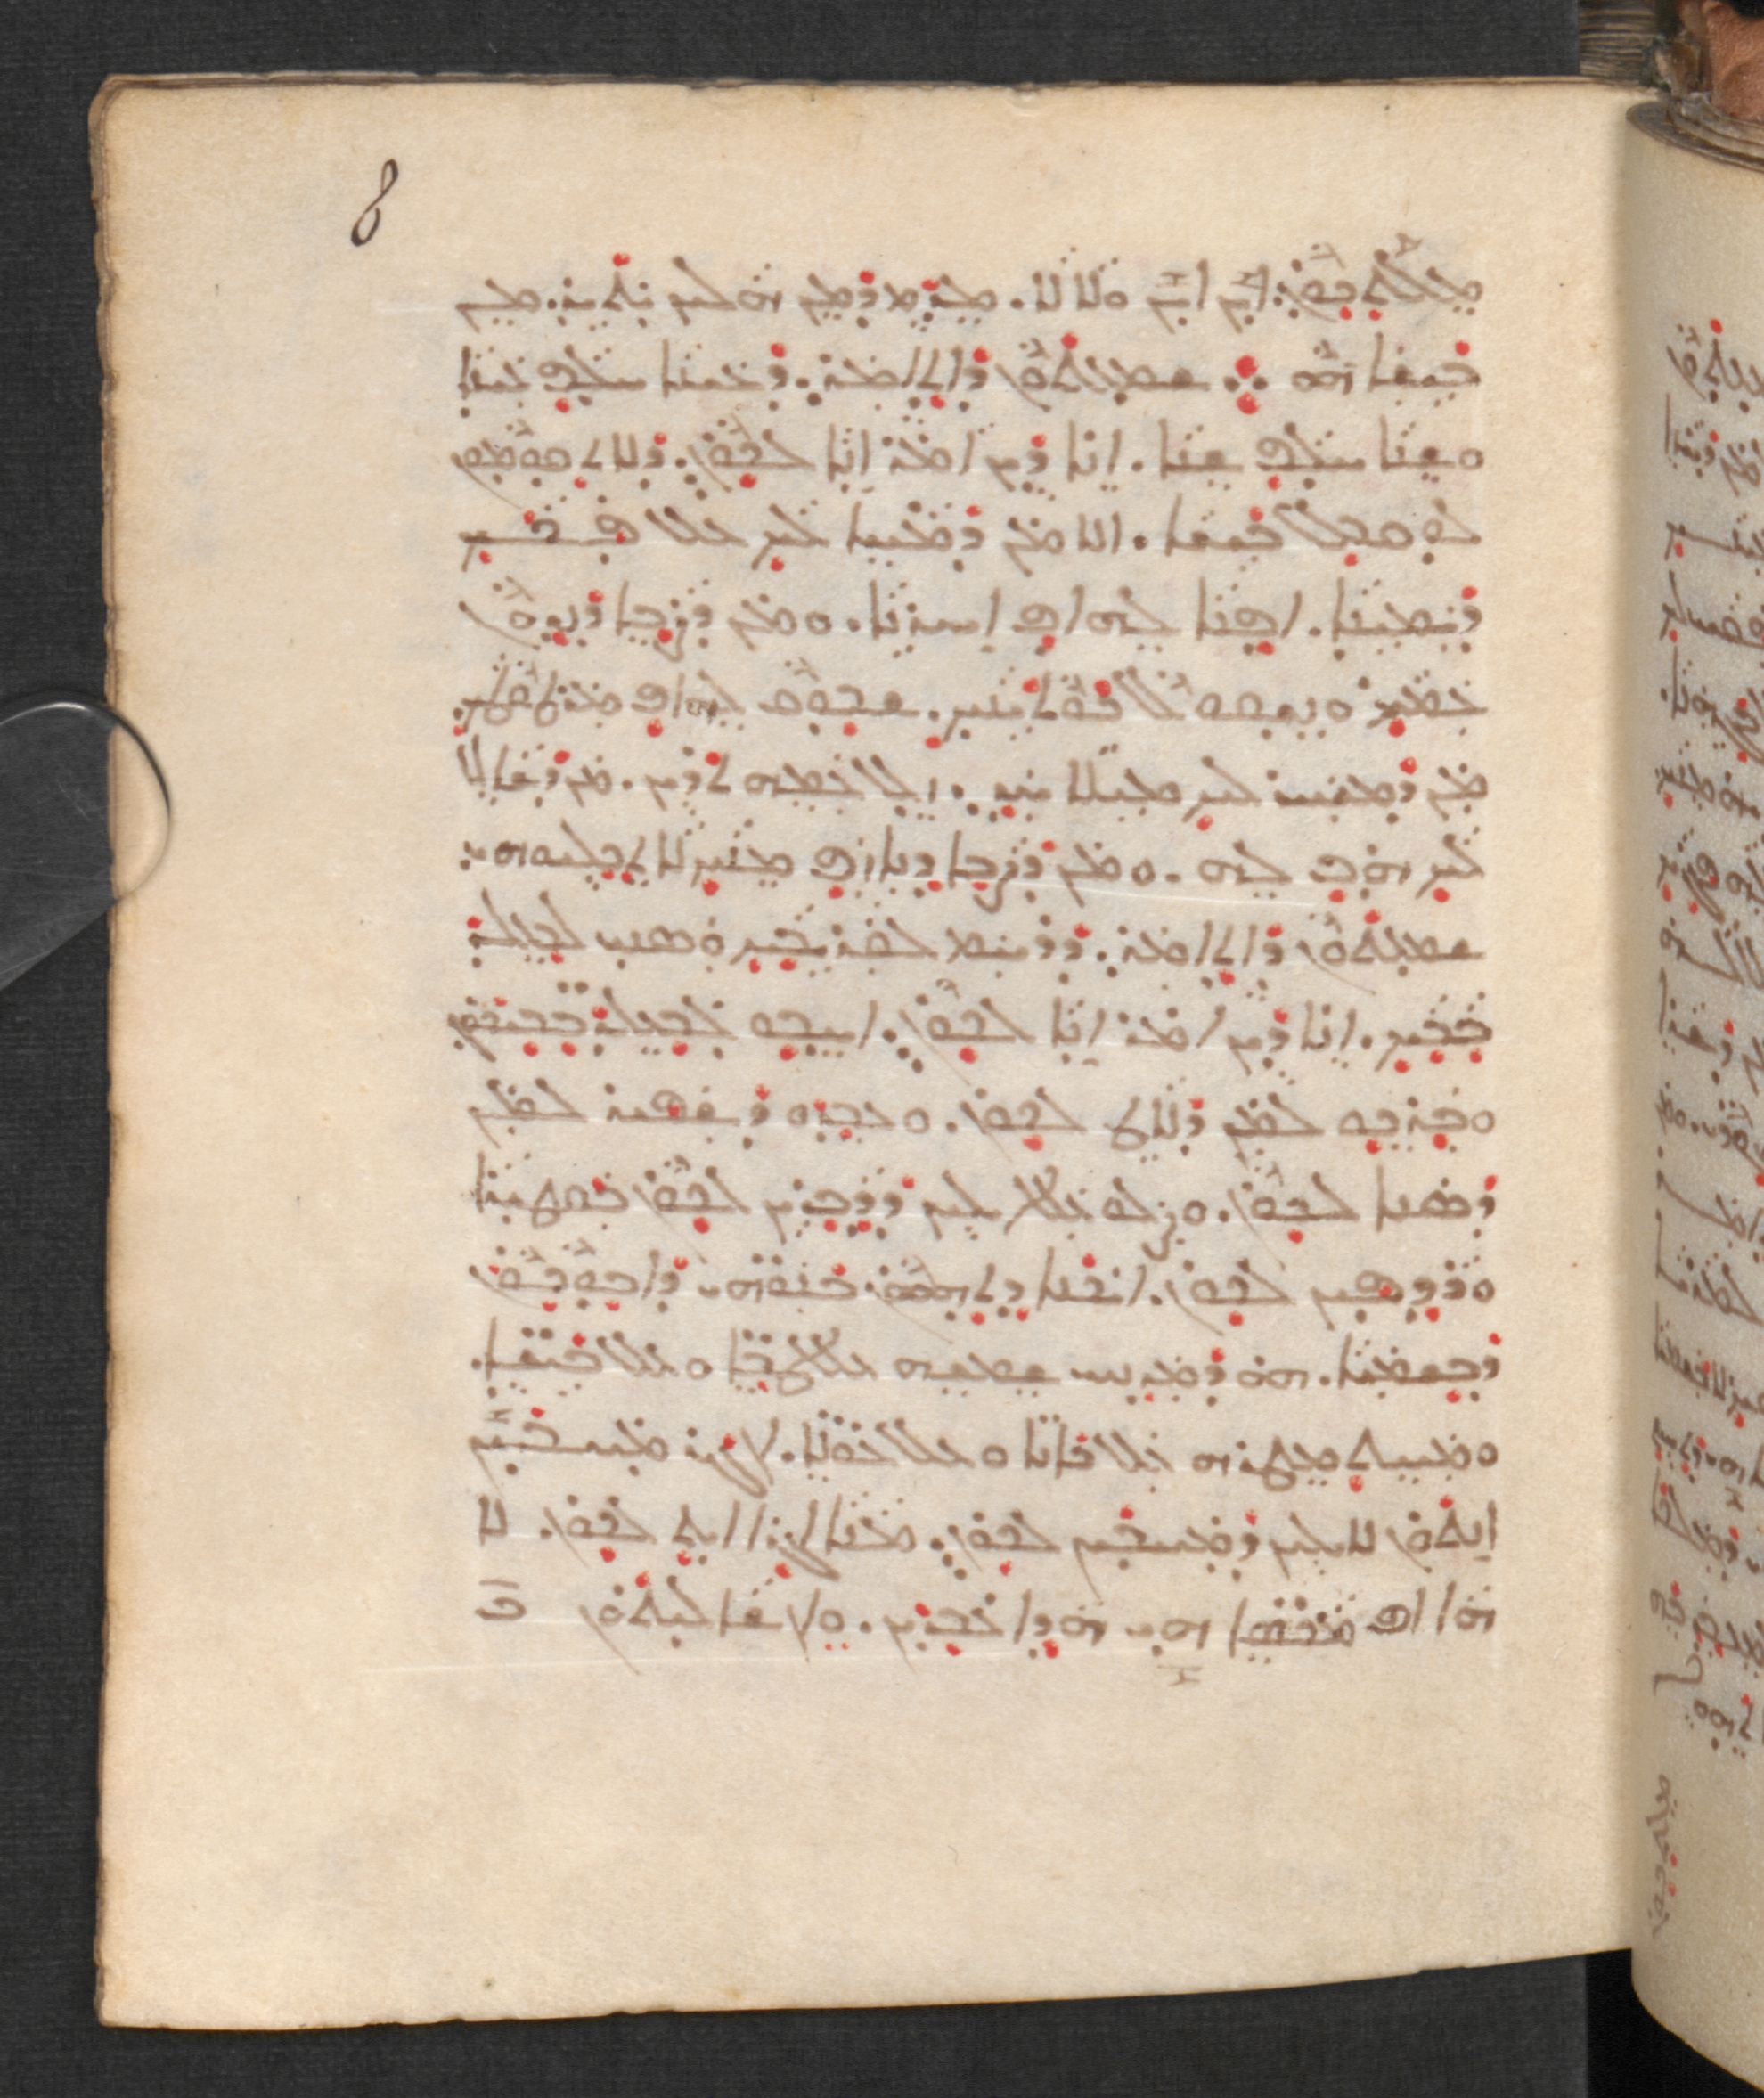ܡܠܬܟܘܢ ܐܝܢ ܐܝܢ ܘܠܐ ܠܐ ܡܕܡ ܕܡܢ ܗܠܝܢ ܝܬܝܪ܆ ܡܢ
ܒܝܫܐ ܗܘ܀ ܫܡܥܬܘܢ ܕܐܬܐܡܪ܆ ܕܥܝܢܐ ܚܠܦ ܥܝܢܐ
ܘܫܢܐ ܠܦ ܫܢܐ. ܐܢܐ ܕܝܢ ܐܡ̇ܪ ܐܢܐ ܠܟܘܢ܆ ܕܠܐ ܬܩܘܡܘܢ
ܠܘܩܒܠ ܒܝܫܐ. ܐܠܐ ܡ̇ܢ ܕܡ̇ܚܐ ܠܟ ܥܠ ܦܟܟ
ܕܝܡܝܢܐ܆ ܐܦܢܐ ܠܗ ܐܦ ܐܚܪܢܐ. ܘܡ̇ܢ ܕܨ̇ܒܐ ܕܢܕܘܢ
ܥܡܟ ܘܢܫܩܘܠ ܟܘܬܝܢܟ. ܫܒܘܩ ܠܗ ܐܦ ܡܪܛܘܛܟ.
ܡܢ ܕܡܫܚܪ ܠܟ ܡܝܠܐ ܚܕ܆ ܙܠ̣ ܥܡܗ ܬܪܝܢ. ܡܢ ܕܫܐܠ
ܠܟ ܗܒ ܠܗ ܘܡ̇ܢ ܕܨܒܐ ܕܢܐܙܦ ܡܢܟ ܠܐ ܬܟܠܝܘܗܝ
ܫܡܥܬܘܢ ܕܐܬܐܡܪ܆ ܕܪܚܡ ܠܩܪܝܒܟ ܘܣܢܝ ܠܒܥܠܕ
ܒܒܟ. ܐܢܐ ܕܝܢ ܐܡ̇ܪ ܐܢܐ ܠܟܘܢ܆ ܐܚܒܘ ܠܒܥܠܕܒ̈ܒܝܟܘܢ.
ܘܒܪܟܘ ܠܡ̇ܢ ܕܠܐܛ ܠܟܘܢ. ܘܥܒܕܘ ܕܫܦܝܪ ܠܡܢ
ܕܣܢܐ ܠܟܘܢ. ܘܨܠܘ ܥܠ ܐܝܠܝܢ ܕܕܒܪܝܢ ܠܟܘܢ ܒܩܛܝܪܐ
ܘܪܕܦܝܢ ܠܟܘܢ. ܐܝܟܢܐ ܕܬܗܘܘܢ ܒܢܘ̈ܗܝ ܕܐܒܘܟܘܢ
ܕܒܫܡܝܐ. ܗ̇ܘ ܕܡܕܢܚ ܫܡܫܗ ܥܠ ܛܒ̈ܐ ܘܥܠ ܒܝ̈ܫܐ
ܘܡܚܬ ܡܛܪܗ ܥܠ ܟܐܢ̈ܐ ܘܥܠ ܥܘ̈ܠܐ ܐܢ ܓܝܪ ܡܚܒܝܢ
ܐܢܬܘܢ ܠܐܝܠܝܢ ܕܡܚܒܝܢ ܠܟܘܢ܆ ܡܢܐ ܐܓܪܐ ܐܝܬ ܠܟܘܢ. ܠܐ
ܗܐ ܐܦ ܡܟ̈ܣܐ ܗ̣ܝ ܗܕܐ ܥܒܕܝܢ. ܘܐܢ ܫܐܠܝܢ ܐܢܬܘܢ ܏ܒ
8